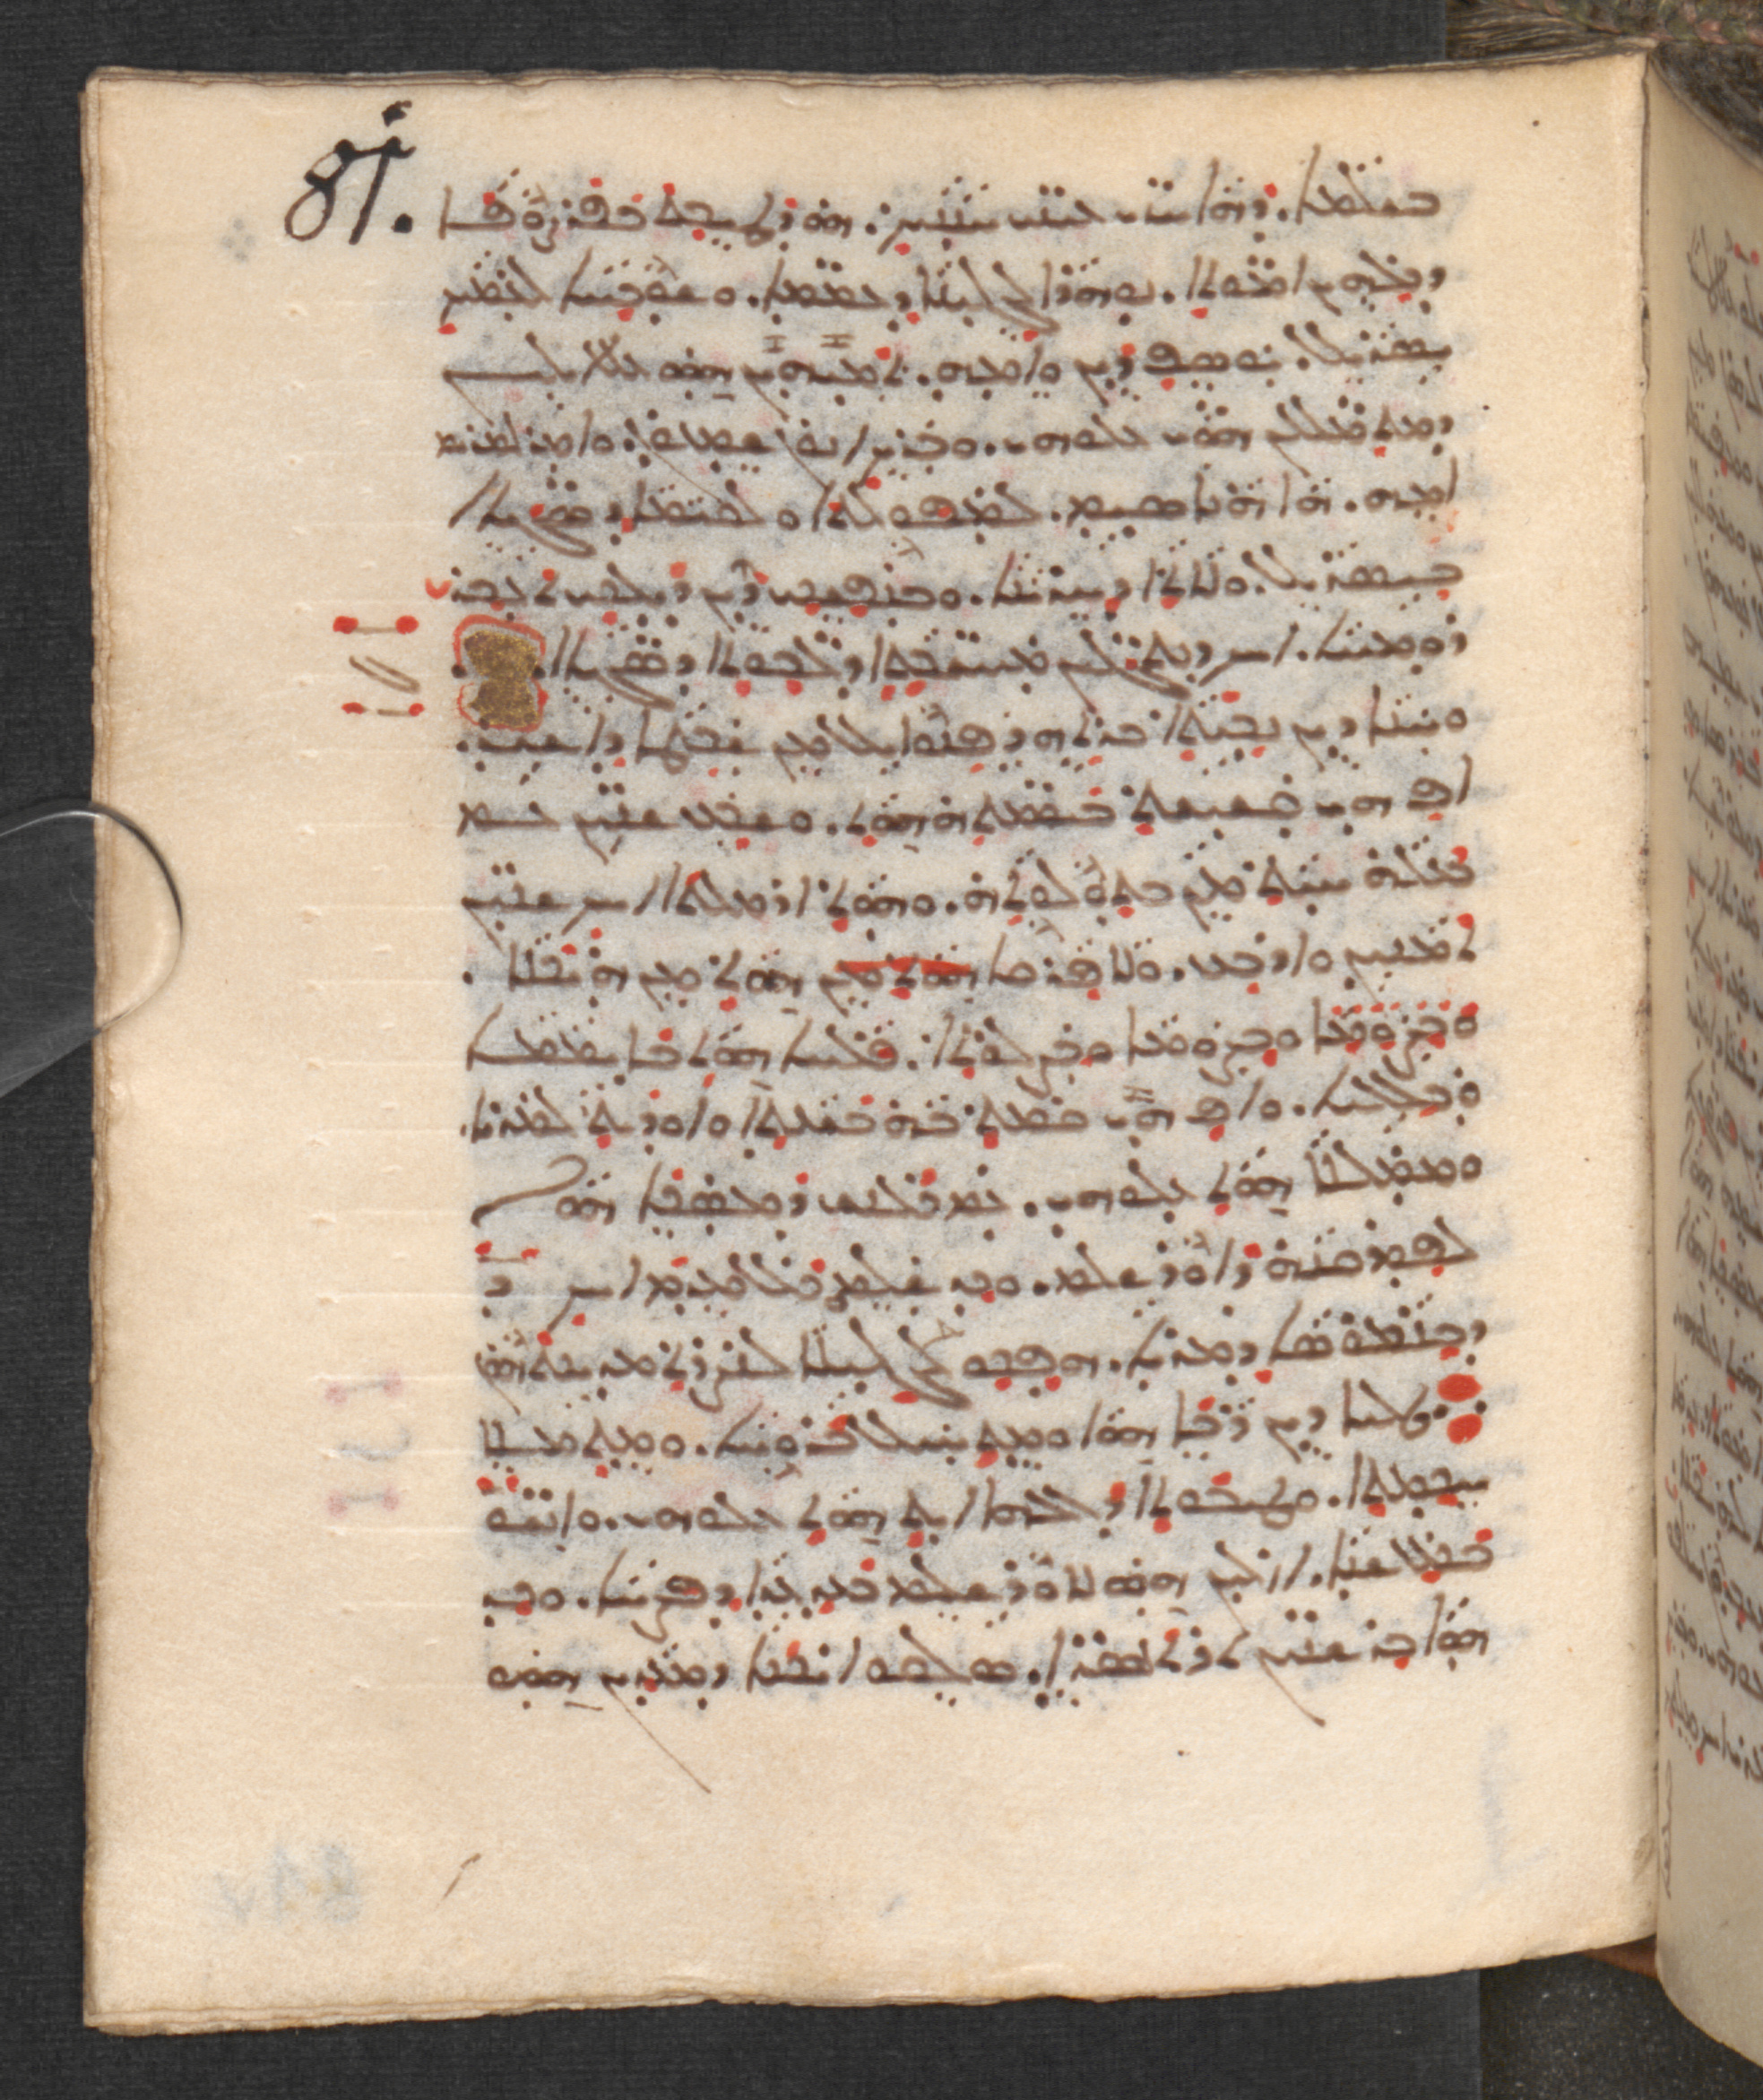ܒܫܠܡܐ. ܕܗܐ ܚܙ̈ܝ ܥܝܢ̈ܝ ܚܢܢܟ܇ ܗ̇ܘ ܕܛܝܒܬ ܒܦܪܨܘܦܐ
ܕܟܠܗܝܢ ܐܡ̈ܘܬܐ. ܢܘܗܪܐ ܠܓܠܝܢܐ ܕܥܡ̈ܡܐ܆ ܘܫܘܒܚܐ ܠܥܡܟ
ܝܣܪܝܠ. ܝܘܣܦ ܕܝܢ ܘܐܡܗ܆ ܬܡܝܗܝܢ ܗܘܘ ܥܠ ܐܝܠܝܢ
ܕܡܬܡ̈ܠܠܢ ܗܘ̈ܝ ܥܠܘܗܝ. ܘܒܪܟ ܐܢܘܢ ܫܡܥܘܢ܆ ܘܐܡ̣ܪ ܠܡܪܝܡ
ܐܡܗ. ܗܐ ܗܢܐ ܣܝܡ܆ ܠܡܦܘܠܬܐ ܘܠܩܝܡܐ ܕܣ̈ܓܝܐܐ
ܒܝܣܪܝܠ. ܘܠܐܬܐ ܕܚܪܝܢܐ. ܘܒܢܦܫܟܝ ܕܝܢ ܕܝܠܟܝ ܬܥܒܪ
ܪܘܡܚܐ. ܐܝܟ ܕܢܬܓ̈ܠܝܢ ܡܚܫ̈ܒܬܐ ܕܠ̈ܒܘܬܐ ܕܣ̈ܓܝܐܐ. ܀ .
ܘܚܢܐ ܕܝܢ ܢܒܝܬܐ ܒܪܬܗ ܕܦܢܘܐܝܠ ܡ̣ܢ ܫܒܛܐ ܕܐܫܝܪ܆
ܐܦ ܗ̣ܝ ܩܫܝܫܬ ܒܝܘ̈ܡܬܗ̇ ܗܘܬ. ܘܫܒܥ ܫܢ̈ܝܢ ܥܡ
ܒܥܠܗ̇ ܚܝܬ ܡ̣ܢ ܒܬܘܠܘܬܗ̇. ܘܗܘܬ ܐܪܡܠܬܐ ܐܝܟ ܫܢܝ̈ܢ
ܬܡܢܝܢ ܘܐܪܒܥ. ܘܠܐ ܦܪܩܐ ܗܘܬ ܡ̣ܢ ܗܘܬ ܡ̣ܢ ܗܝܟܢܐ.
ܘܒܨܘܡܐ ܘܒܨܘܡܐ ܘܒܨܠܘܬܐ: ܦܠܚܐ ܗܘܬ ܒܐܝܡܡܐ
ܘܒܠܠܝܐ. ܘܐܦ ܗ̣ܝ ܩܡܬ݀ ܒܗ̇ ܒܫܥܬܐ ܘܐܘܕܝܬ ܠܡܪܝܐ.
ܘܡܡܠܠܐ ܗܘܬ ܥܠܘܗܝ܆ ܥܡ ܟܠܢܫ ܕܡܣܟܐ ܗܘܐ
ܠܦܘܪܩܢܗ̇ ܕܐܘܪܫܠܡ. ܘܟܕ ܫܠܡܘ ܟܠ ܡܕܡ ܐܝܟ ܏ܕ
ܕܒܢܡܘܣܐ ܕܡܪܝܐ܆ ܗܦ̣ܟܘ ܠܓܠܝܠܐ ܠܢܨܪܬ ܡܕܝܢܬܗܘܢ
܀ ܛܠܝܐ ܕܝܢ ܪܒܐ ܗܘܐ ܘܡܬܚܝܠ ܒܪܘܚܐ. ܘܡܬܡܠܐ
ܚܟܡܬܐ. ܘܛܝܒܘܬܐ ܕܐܠܗܐ ܐܝܬ ܗܘܬ ܥܠܘܗܝ. ܘ܏ܐܢܫ̈ܘ
ܒܟܠ ܫܢܐ܆ ܐܙܠܝܢ ܗܘܘ ܠܐܘܪܫܠܡ ܒܥܕܥܕܐ ܕܦܨܚܐ. ܘܟܕ
ܗܘܐ ܒܪ ܫܢ̈ܝܢ ܬܪܬܥܣܪ̈ܐ܆ ܣܠܩܘ ܐܝܟܢܐ ܕܡܥܕܝܢ ܗܘܘ
81.
܏ܓ